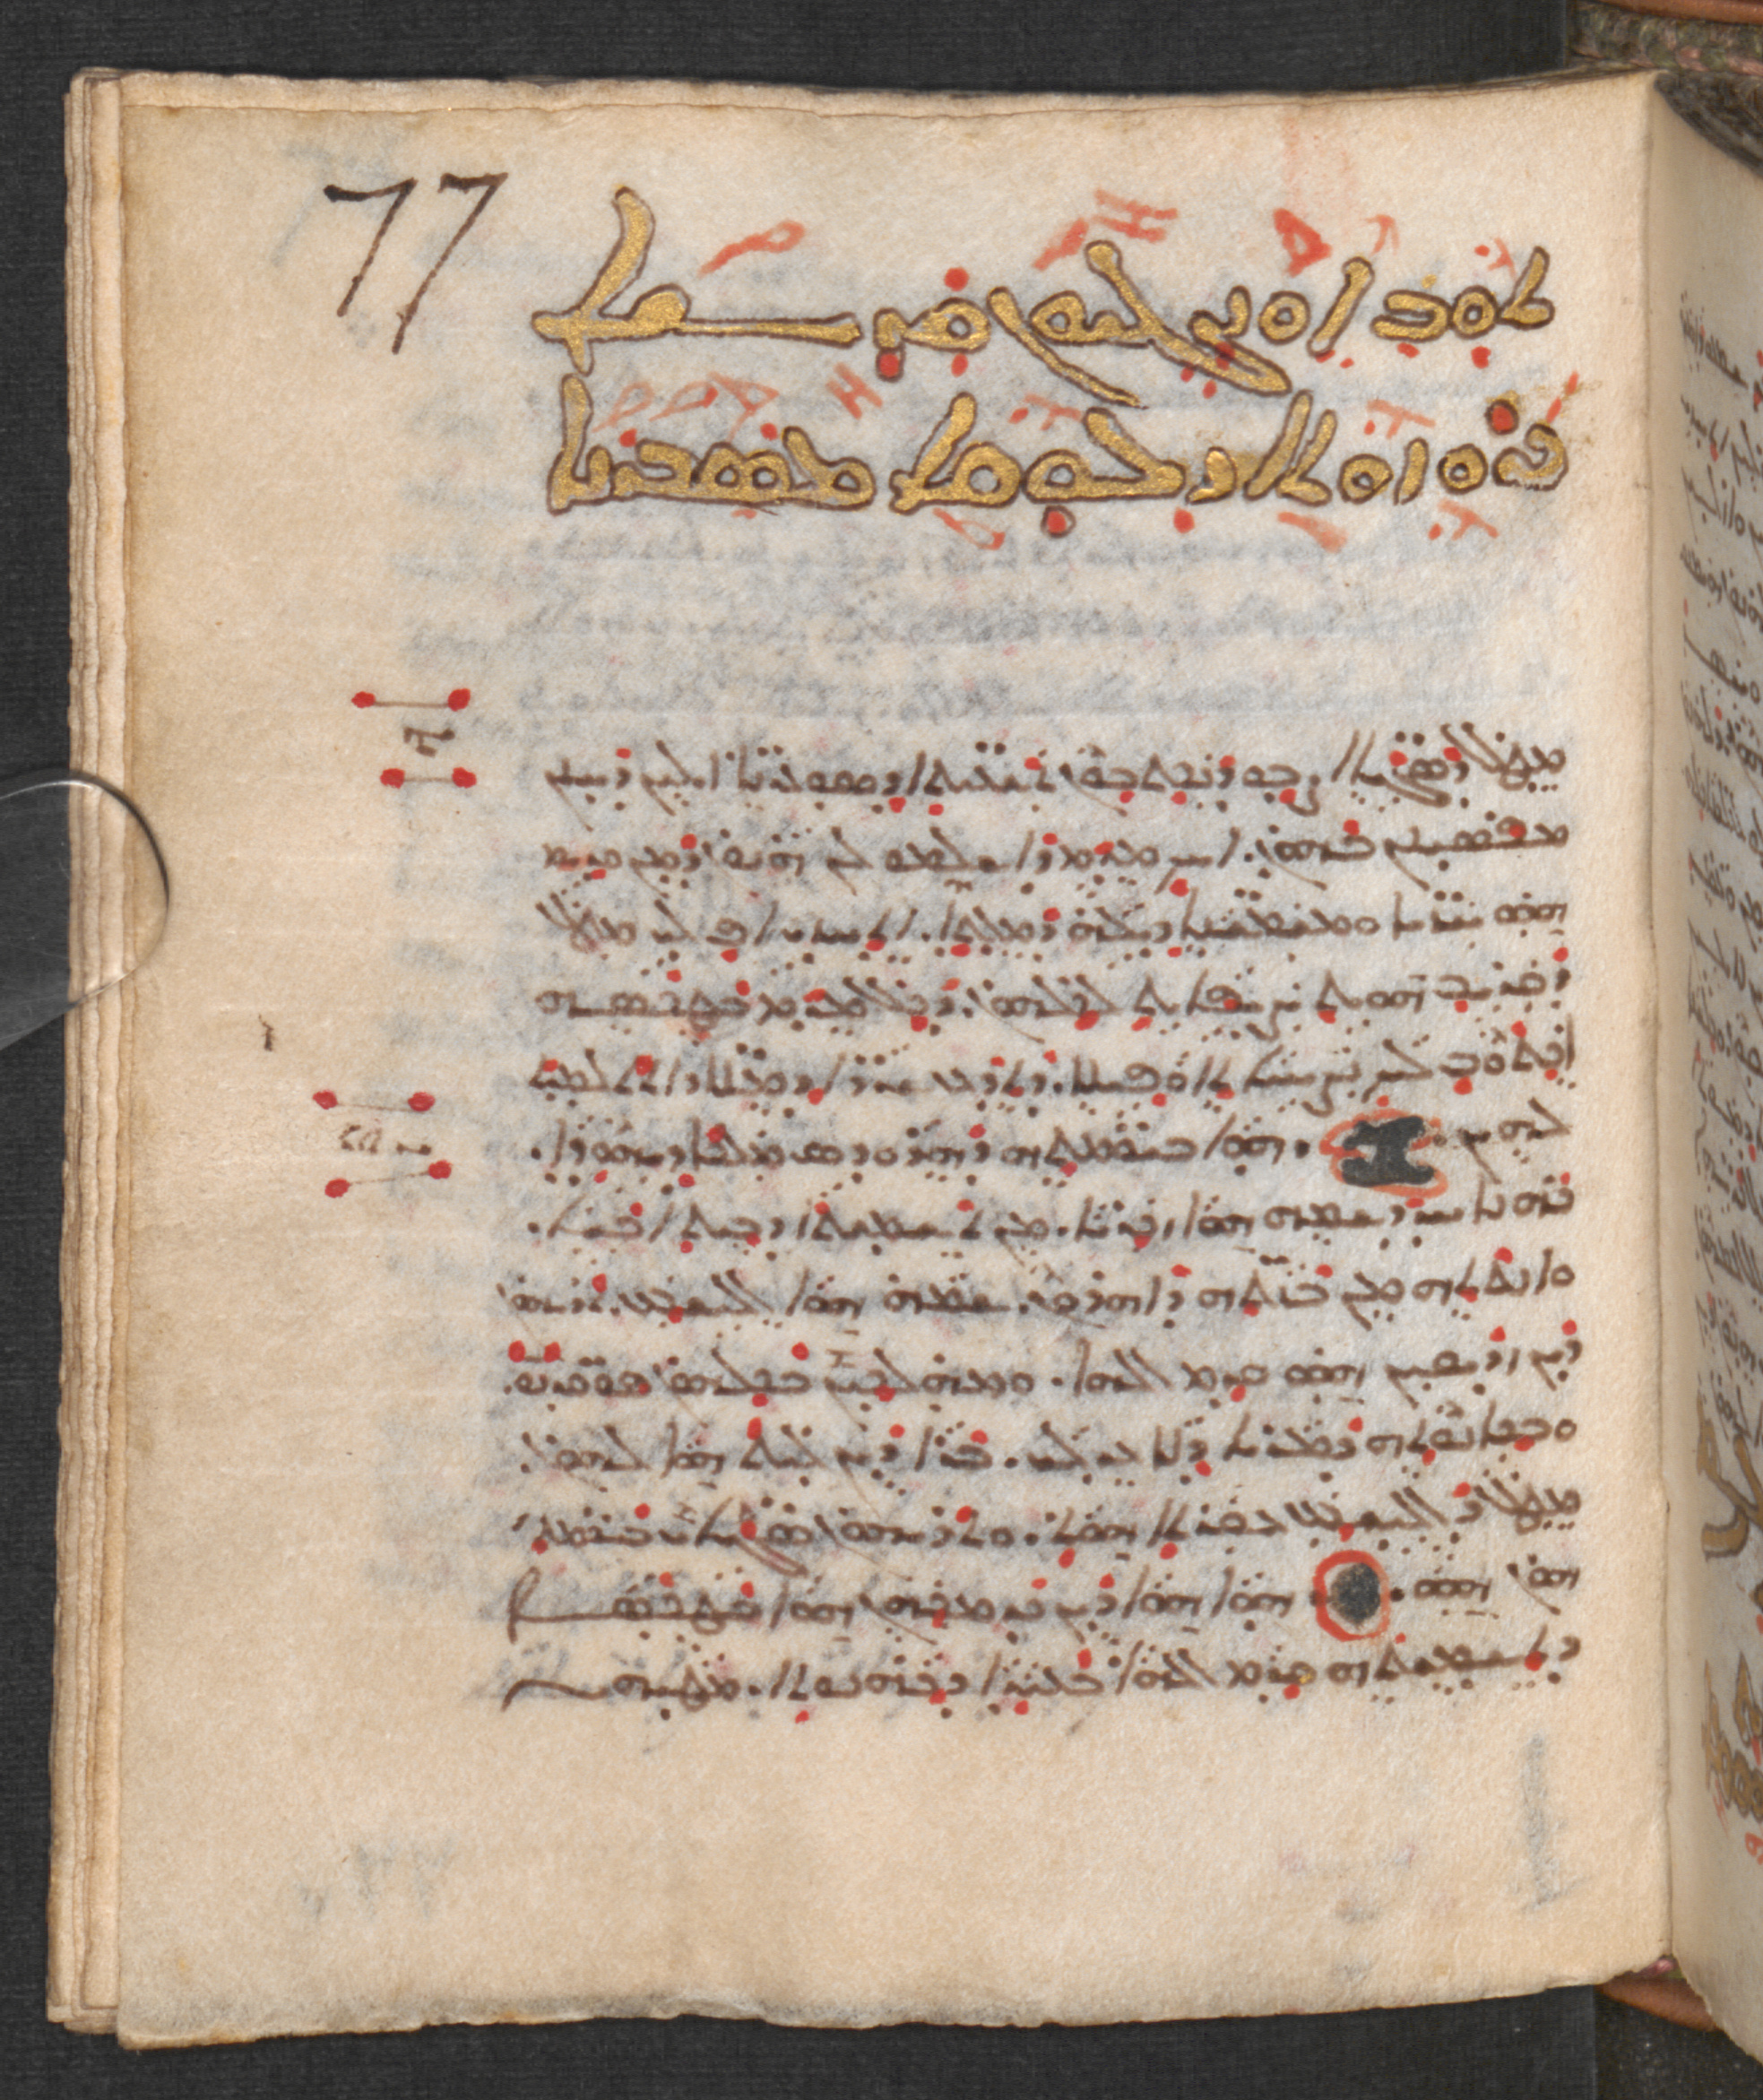ܬܘܒ ܐܘܢܓܠܝܘܢ ܩܕܝܫܐ
ܟܪܘܙܘܬܐ ܕܠܘܩܐ ܡܣܒܪܢܐ
ܡܛܠ ܕܣܓܝ̈ܐܐ ܨܒ̣ܘ ܕܢܟܬܒܘܢ ܬܫܥ̈ܝܬܐ ܕܣܘܥܪ̈ܢܐ ܐܝܠܝܢ ܕܚܢܢ
ܡܦܣܝܢ ܒܗܘܢ܆ ܐܝܟ ܡܕܡ ܕܐܫܠܡܘ ܠܢ ܗܢܘܢ ܕܡ̣ܢ ܩܕܝܡ
ܗܘܘ ܚܙ̈ܝܐ ܘܡܫܡ̈ܫܢܐ ܕܝܠܗ̇ ܕܡܠܬܐ܆ ܐܬܚܙܝ ܐܦ ܠܝ ܡܛܠ
ܕܩܪܝܒ ܗܘܝܬ ܝܨܝܦܐܝܬ ܠܟܠܗܘܢ܇ ܕܟܠ ܡܕܡ ܒܛܟܣܗ
ܐܟܬܘܒ ܠܟ ܢܨܝܚܐ ܬܐܘܦܝܠܐ. ܕܬܕܥ ܫܪܪܐ ܕܡ̈ܠܐ ܕܐܬܬܠܡܕܬ
ܠܗܝܢ ܀ ܗܘ̣ܐ ܒܝ̈ܘܡܬܗ ܕܗܪܘܕܣ ܡܠܟܐ ܕܝܗܘܕܐ܆
ܟܗܢܐ ܚܕ ܕܫܡܗ ܗܘܐ ܙܟܪܝܐ. ܡ̣ܢ ܬܫܡܫܬܐ ܕܒܝܬ ܐܒܝܐ.
ܘܐܢܬܬܗ ܡ̣ܢ ܒܢ̈ܬܗ ܕܐܗܪܘܢ. ܫܡܗ̇ ܗܘܐ ܐܠܝܫܒܥ. ܬܪܝܗܘܢ
ܕܝܢ ܙܕܝܩܝܢ ܗܘܘ ܩܕܡ ܐܠܗܐ. ܘܡܗܠܟܝܢ ܒܟܠܗܘܢ ܦܘܩ̈ܕ܏ܢܘ
ܘܒܟܐܢܘܬܗ ܕܡܪܝܐ ܕܠܐ ܥܕܠܝ. ܒܪܐ ܕܝܢ ܠܝܬ ܗܘܐ ܠܗܘܢ.
ܡܛܠ ܕܐܠܝܫܒܥ ܥܩܪܬܐ ܗܘܬ. ܘܬܪܝܗܘܢ ܣ̈ܓܝܐܝ ܒܝܘ̈ܡܬ
ܗܘܢ ܗܘܘ ܀ ܗܘ̣ܐ ܗܘܐ ܕܝܢ ܟܕ ܡܟܗܢ ܗܘܐ ܒܛܟܣܐ
ܕܬܫܡܫܬܗ ܩܕܡ ܐܠܗܐ ܒܥܝܕܐ ܕܟܗܢܘܬܐ. ܡܛܝܗܝ
77
ܐ܏